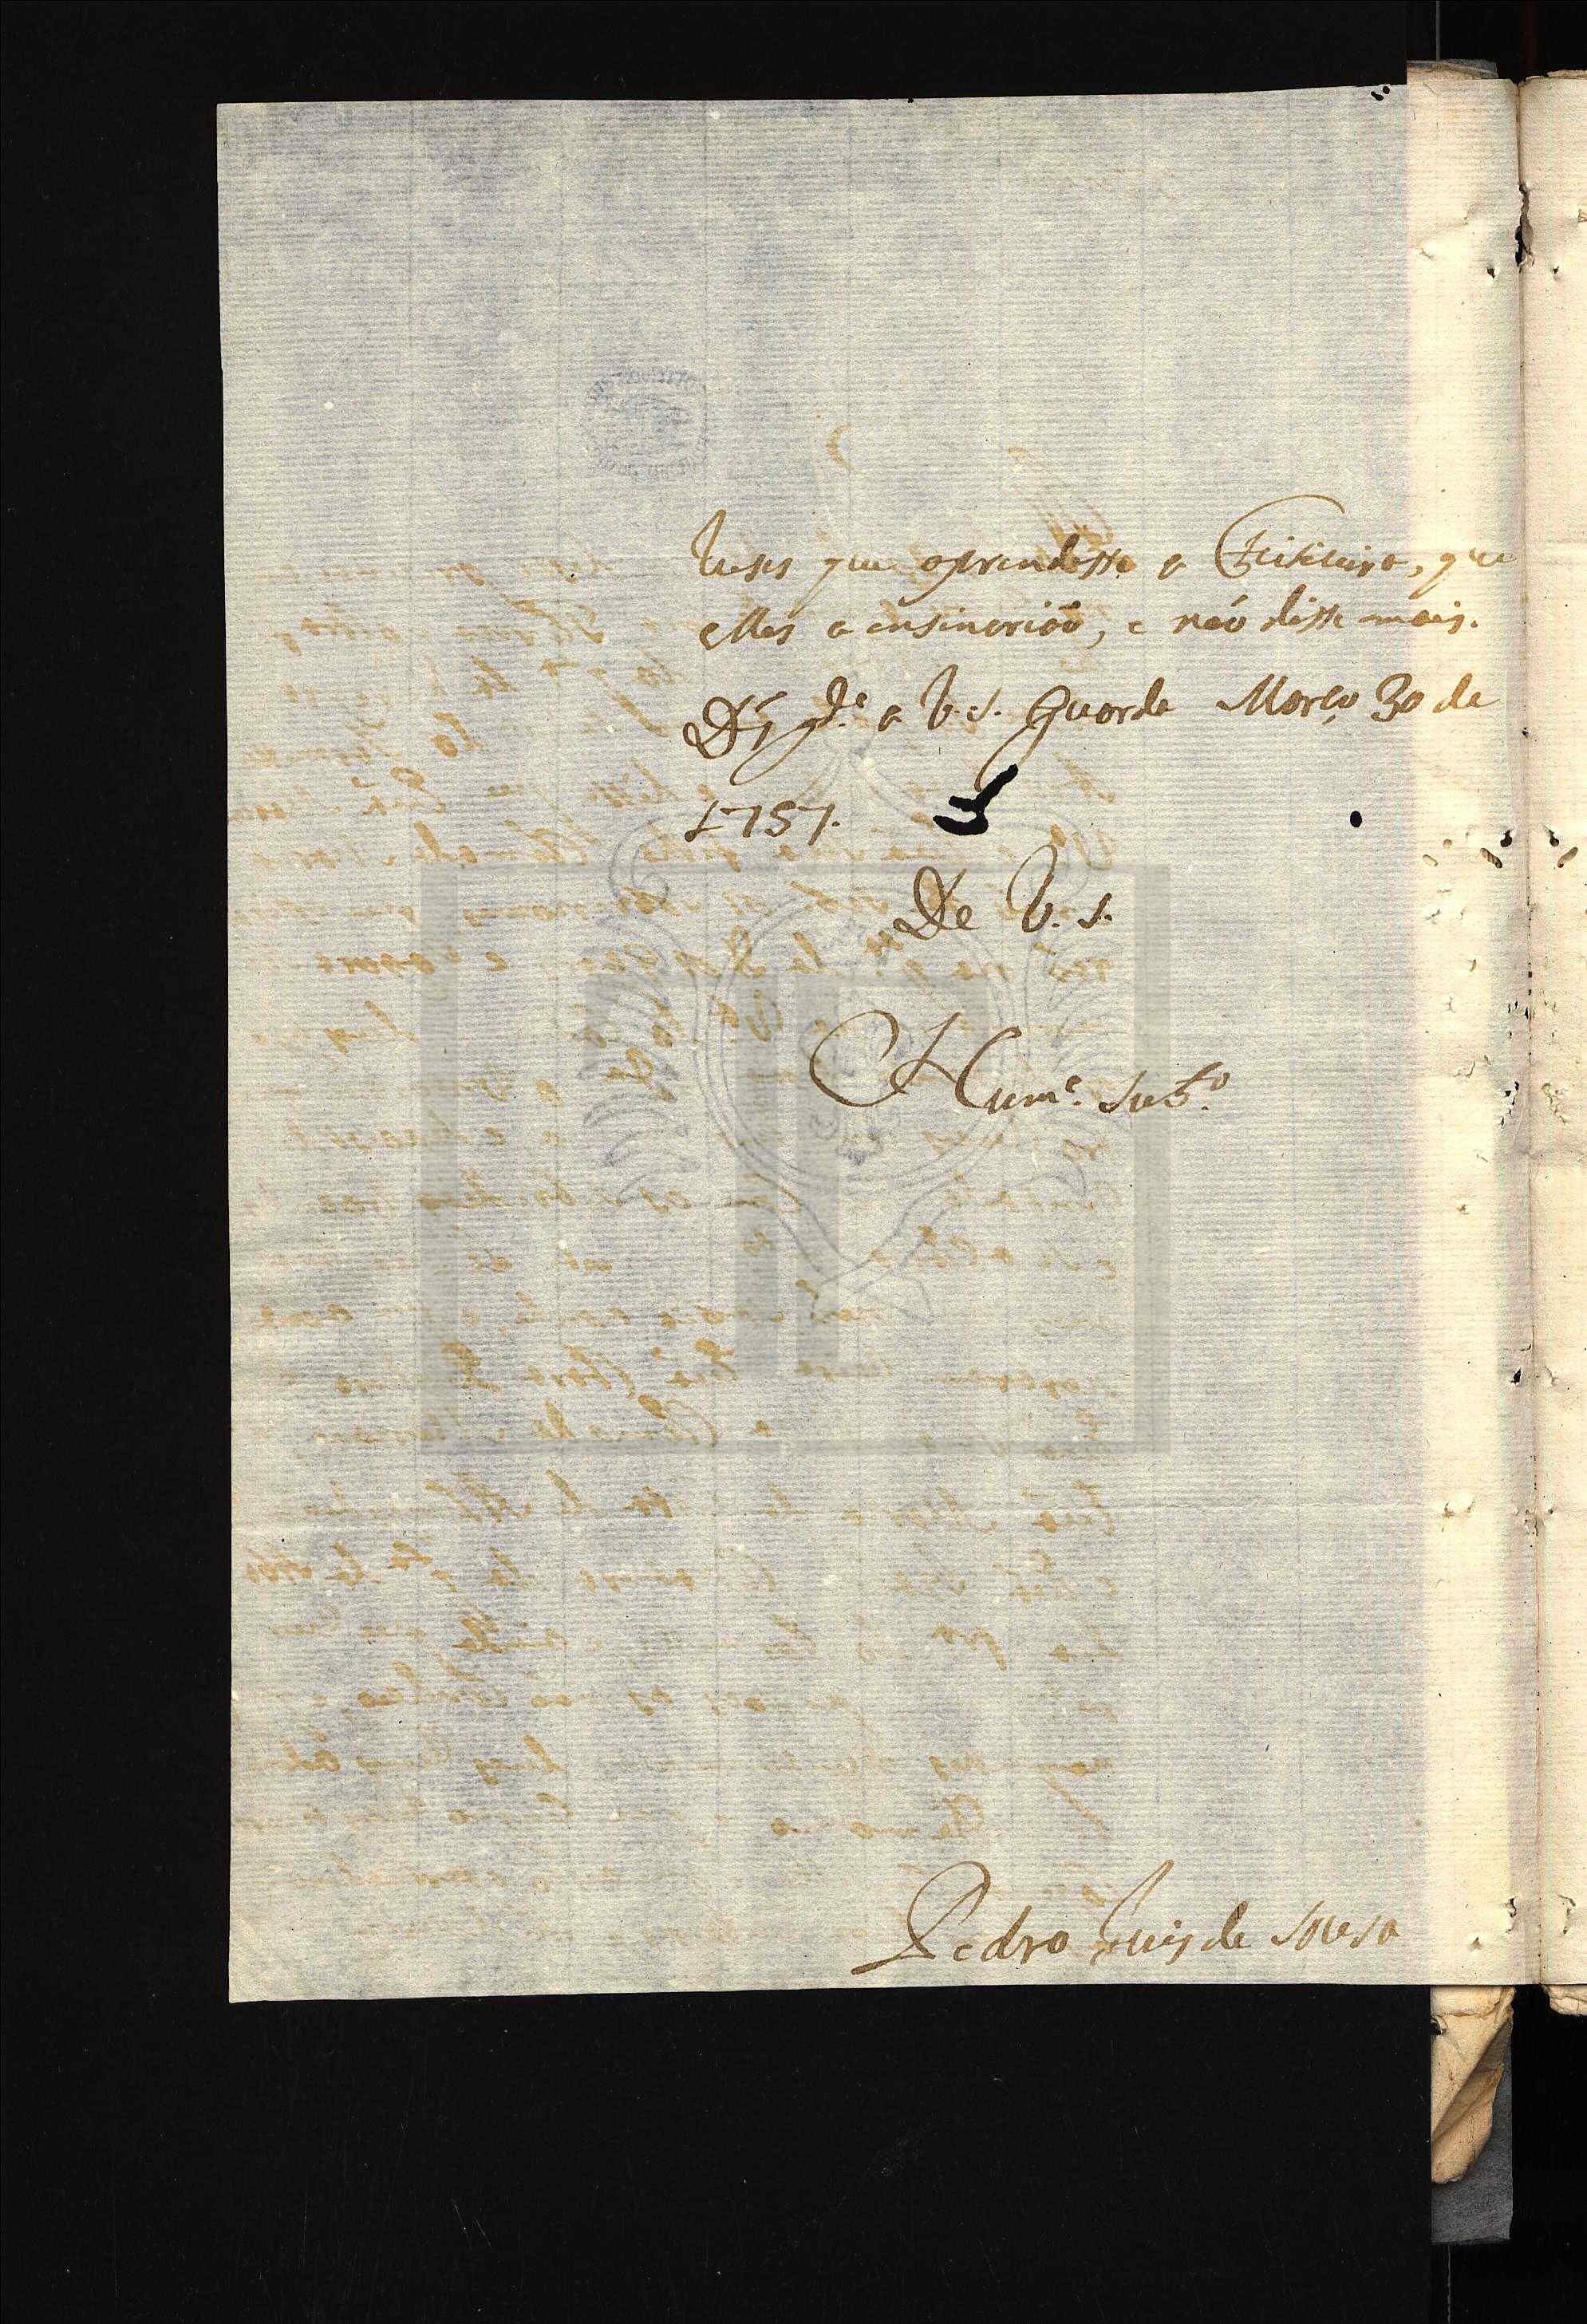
veses que aprendesse o Feiticeiro, que
elles a ensinarião, e naõ disse mais.
Ds̄ gd.e a V. S. Guarda Março 30 de
1757.
De V. S.
Hum.e Sub̄.o
Pedro Luis de sousa
